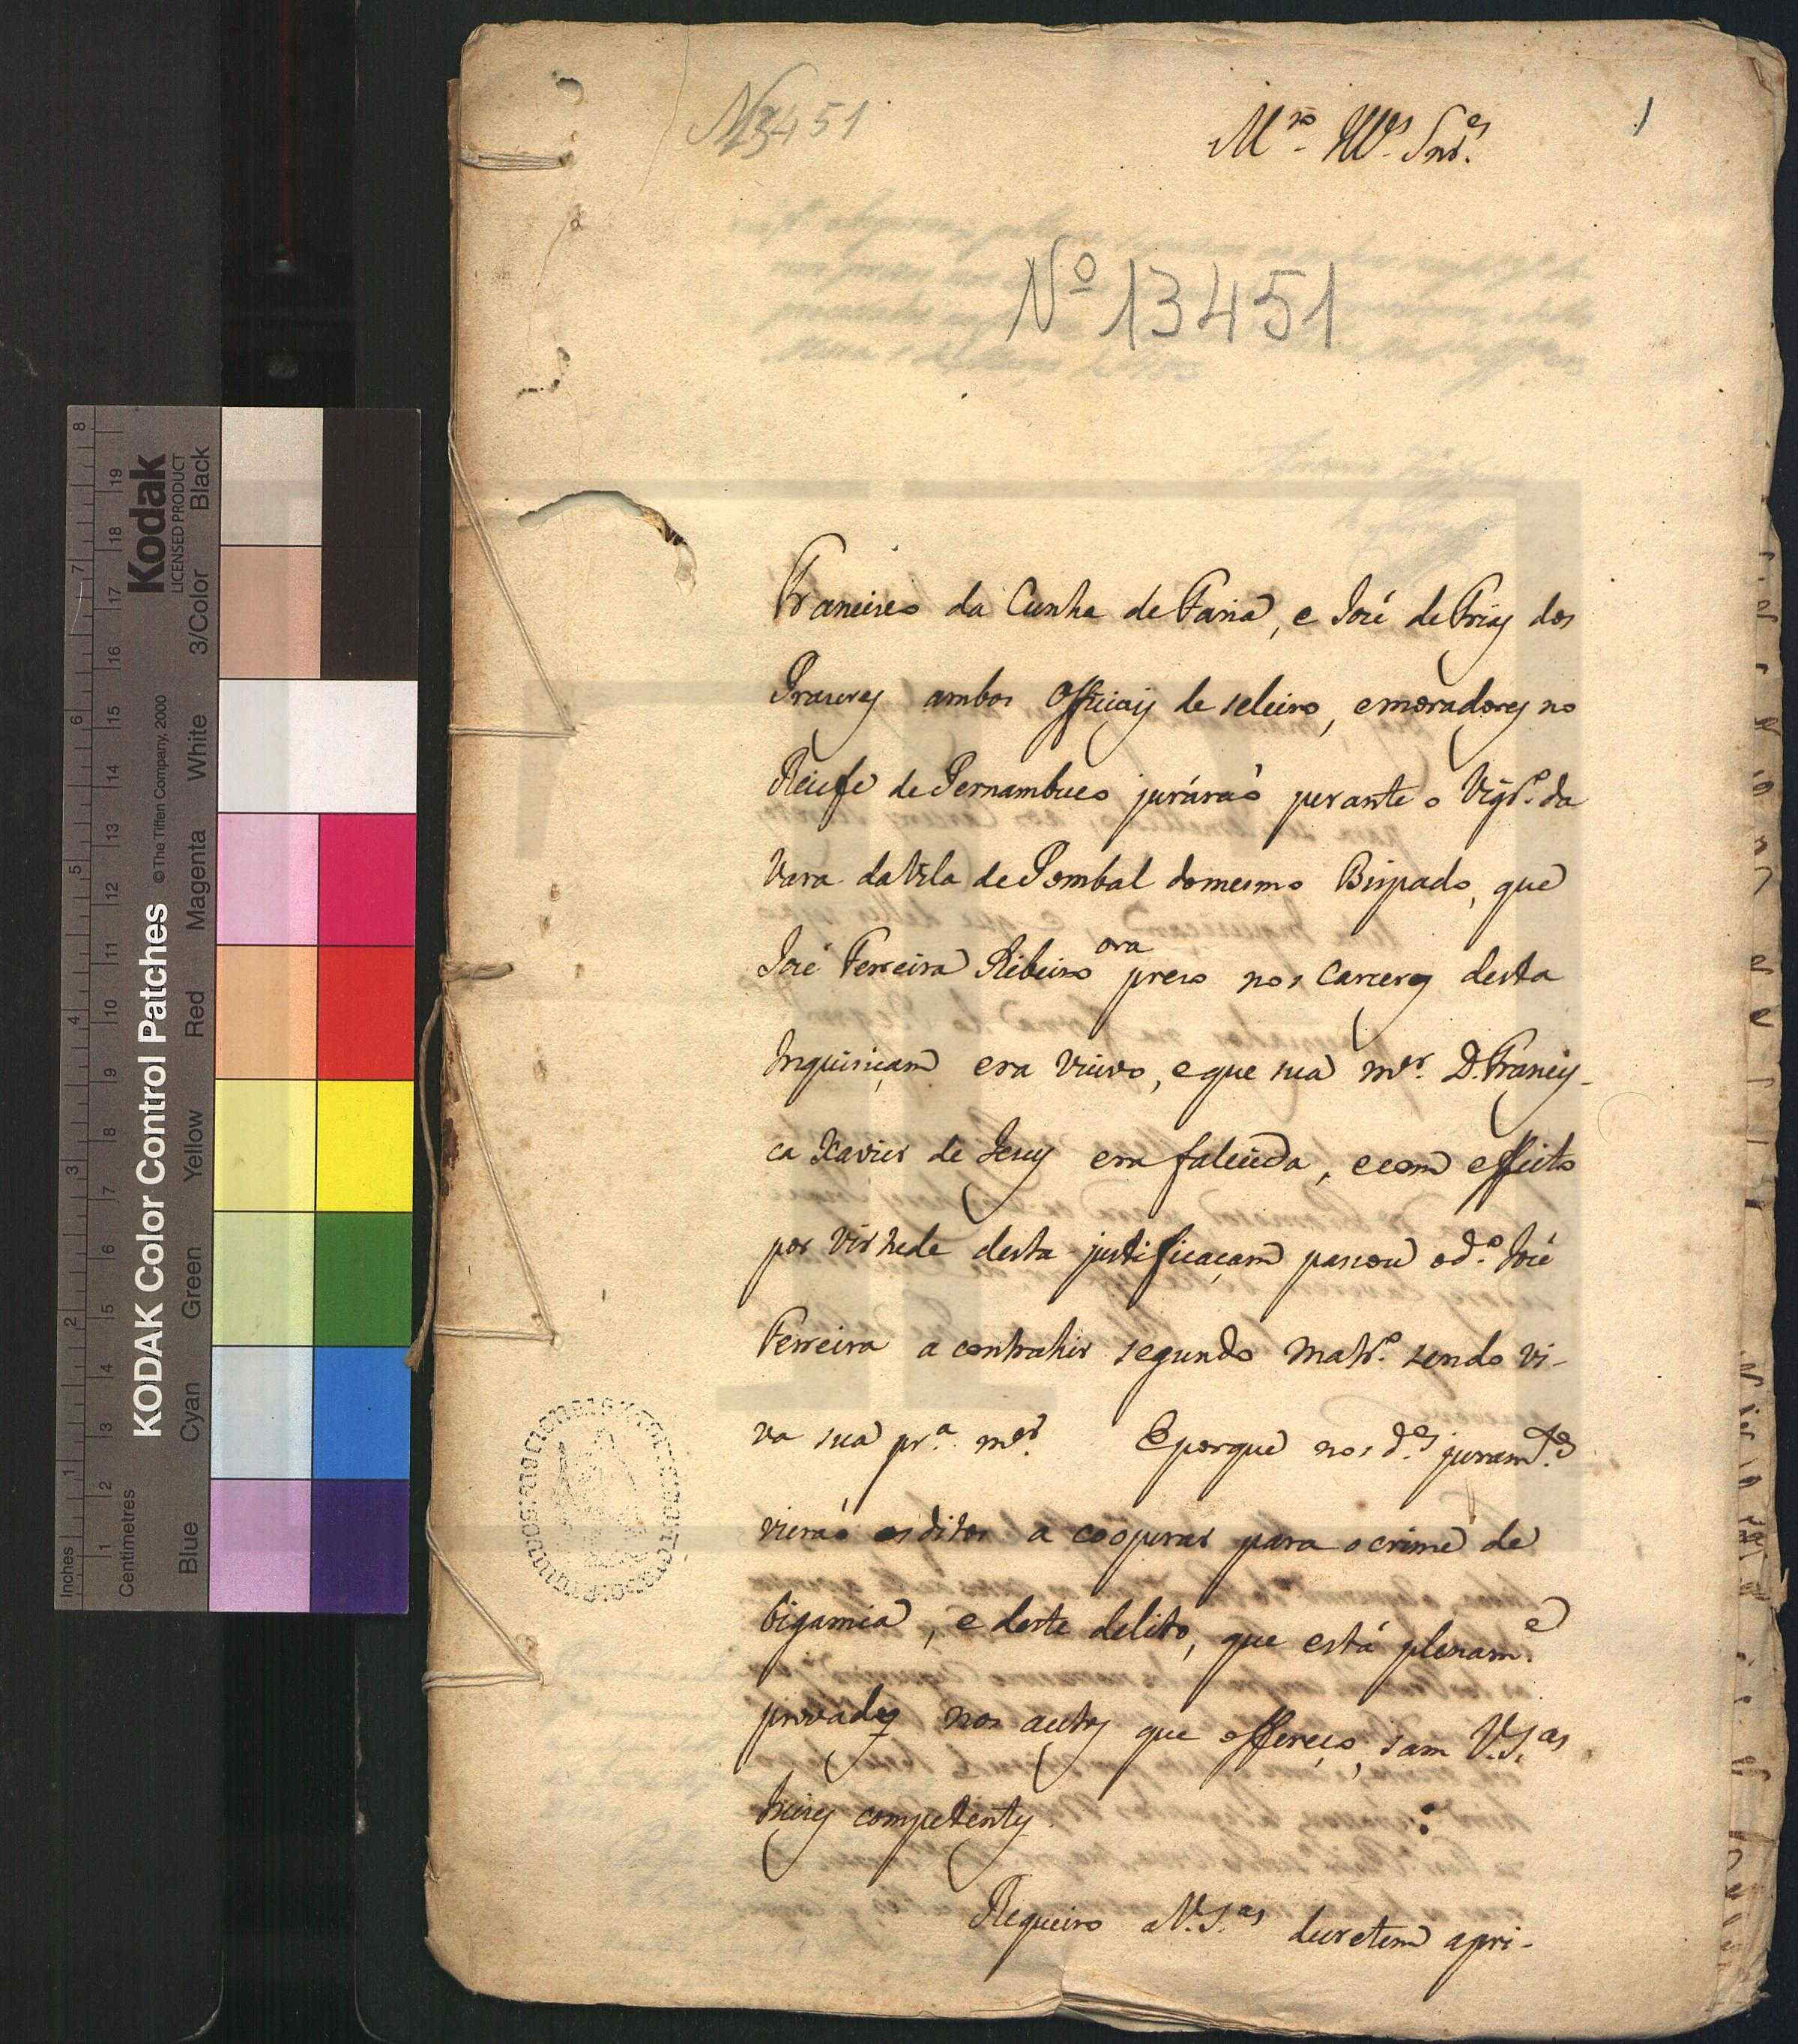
M.to Ill.es Snr.es
Francisco da Cunha de Faria, e Iozé de Frias dos
Prazeres ambos Officiais de seleiro, e moradores no
Recife de Pernambuco juráraõ perante o Vigr.o da
Vara da Vila de Pombal do mesmo Bispado, que
Iozé Ferreira Ribeiro ora prezo nos Carceres desta
Inquisiçam era viuvo, e que sua m.er D. Francis
ca Xavier de Iezus era falecida, e com effeito
por virtude desta justificaçam passou o d.o Iozé
Ferreira a contrahir segundo matr.o sendo vi
va sua pr.a m.er E porque nos d.os juram.tos
vieraõ os ditos a cooperar para o crime de
bigamia, e deste delito, que está plenam.e
provados nos autos que offereço, sam V.S.as
Iuizes competentes.
Requeiro a V.S.as decretem a pri
